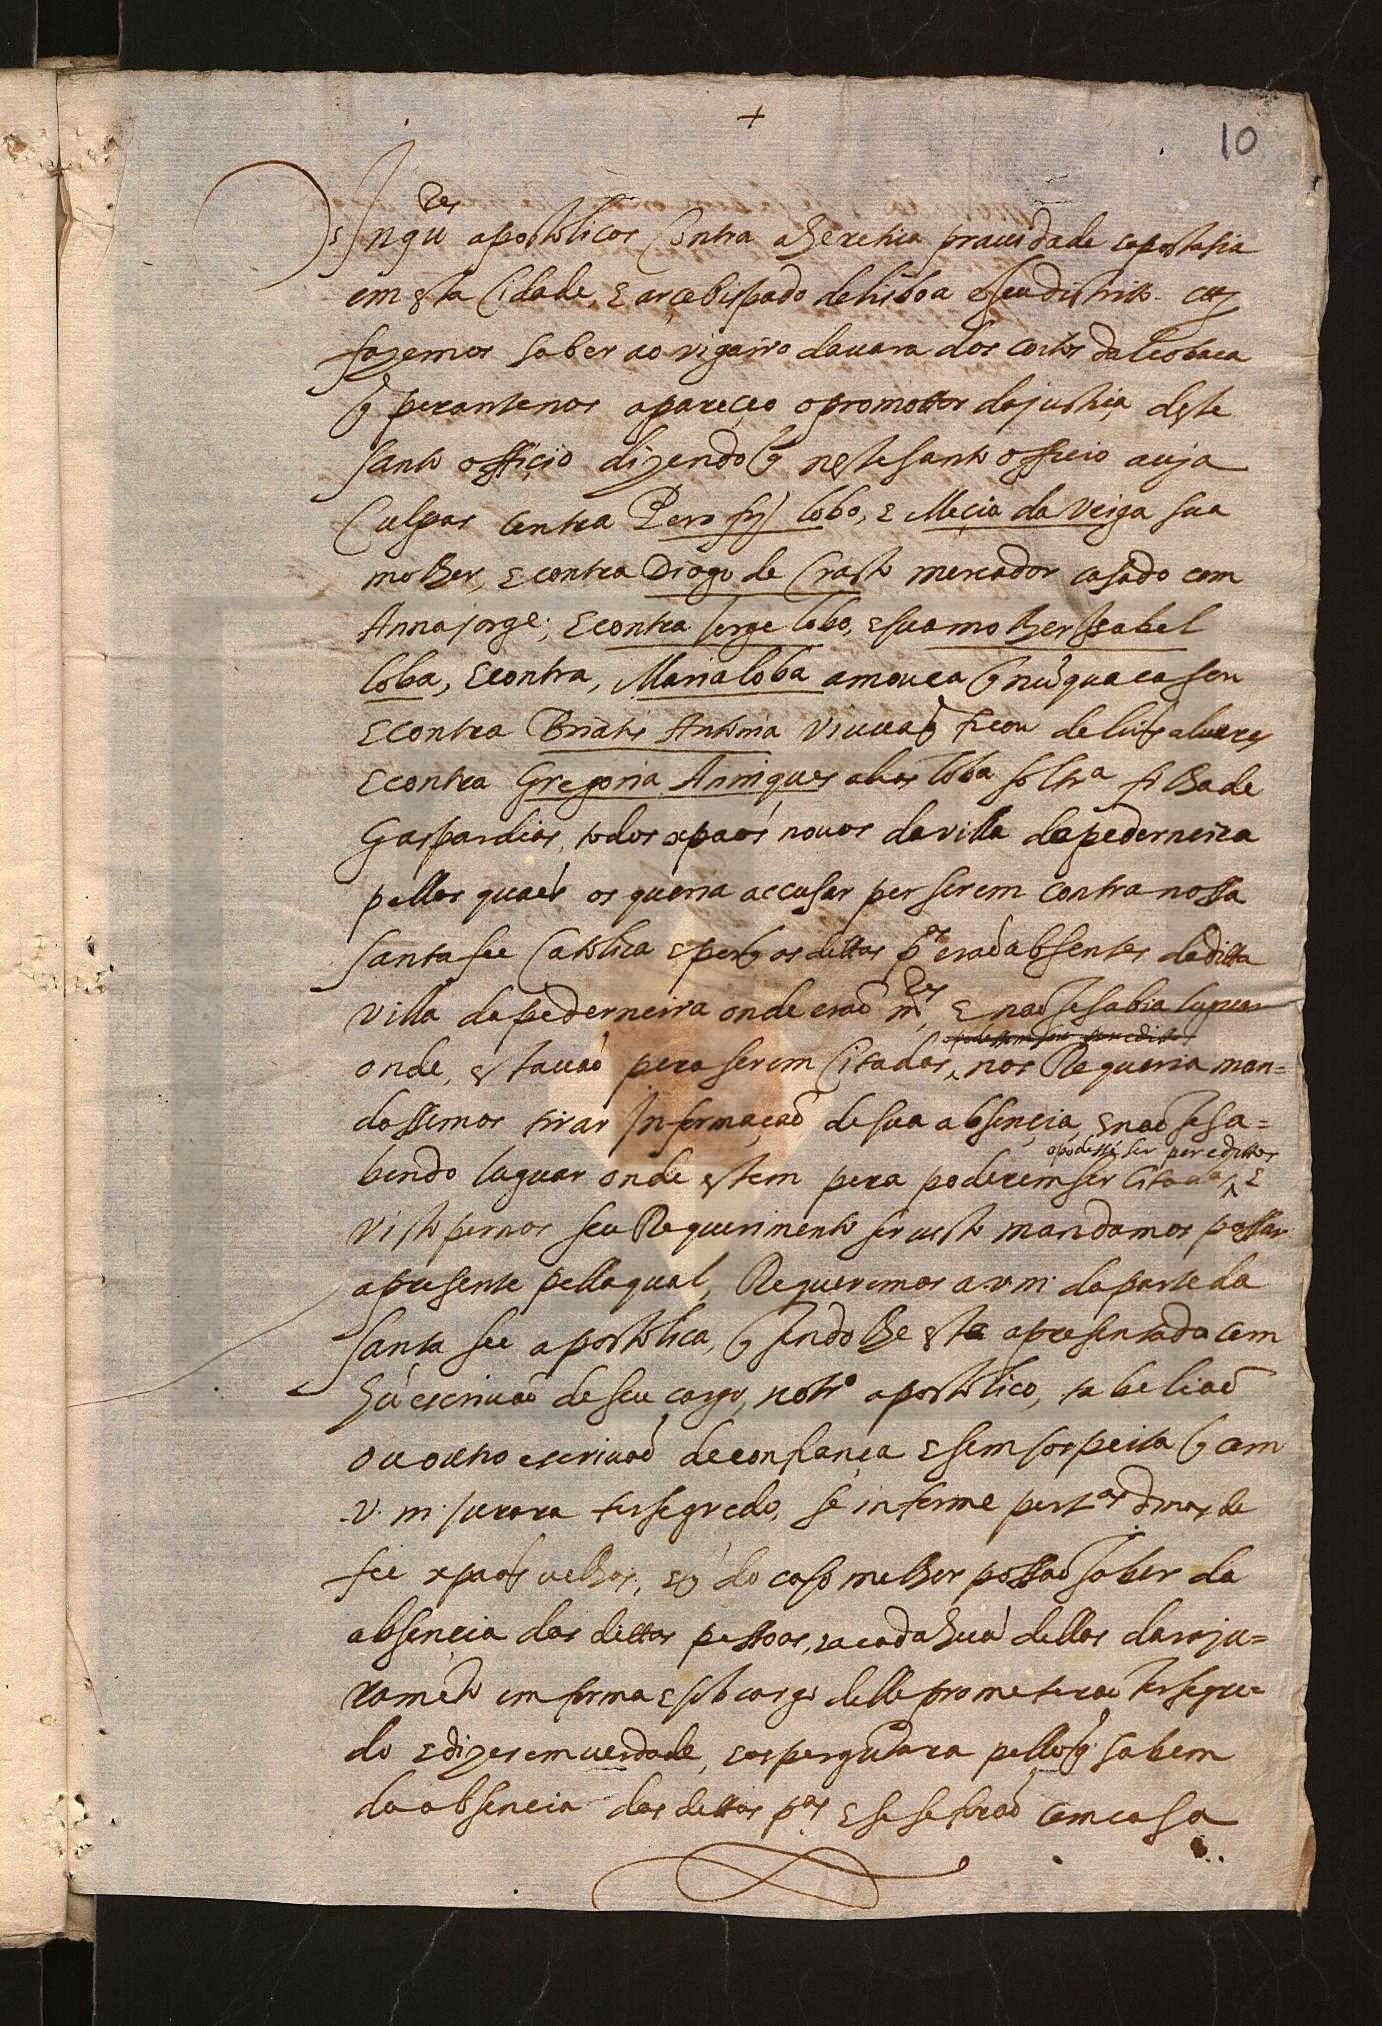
Os Jnqures apostolicos Contra a heretica prauidade E apostasia
em esta Cidade, E arcebispado de lisboa e seu distritto ctt
fazemos saber ao vigairo da uara dos coitos dalcobaça
q̄ perante nos apareceo o promottor da justiça deste
Santo officio dizendo q̄ neste santo officio auja
Culpas contra Pero frz̄ lobo, E Mecia da veiga sua
molher, E contra Diogo Crasto, mercador casado com
Anna jorge; E contra Jorge lobo, E sua molher Jsabel
loba, E contra, Maria loba a mouca q̄ nūqua casou
E contra Briatis Antonia viuua q̄ ficou de luis aluares
E contra Gregoria Anrriques alias loba soltra filha de
Gaspar dias, todos xpaos̄ nouos da villa da pederneira
pellos quaes os queria accusar per serem contra nossa
Santa fee Catolica E porq̄ as dittas pas eraõ absentes da ditta
villa da pederneira onde eraõ mres, E naõ se sabia luguar
onde, estauaõ pera serem Citadas nos Requeria man
dassemos tirar Jnformaçaõ de sua absencia, E naõ se sa
bendo luguar onde estam pera poderem ser Citadas
o podessē ser per edittos
E
visto per nos seu Requerimento ser uisto mandamos passar
a presente pella qual, Requeremos a v. m. da parte da
Santa See apostolica, q̄ sendo lhe esta apresentada com
hū escriuaõ de seu cargo, notro apostolico, tabeliaõ
ou outro escriuaõ de confiança E sem sospeita q̄ com
v. m. Jurara ter segredo, se informe per tas dinas de
fee xpaõs uelhos, E q̄ do caso melhor possaõ saber da
absencia das dittas pessoas, E a cada hua dellas dara ju
ramēto em forma E sob cargo delle prometeraõ ter segre
do E dizer em uerdade, E as perguntara pello q̄ sabem
da absencia das dittas p.as E se se foraõ com casa
